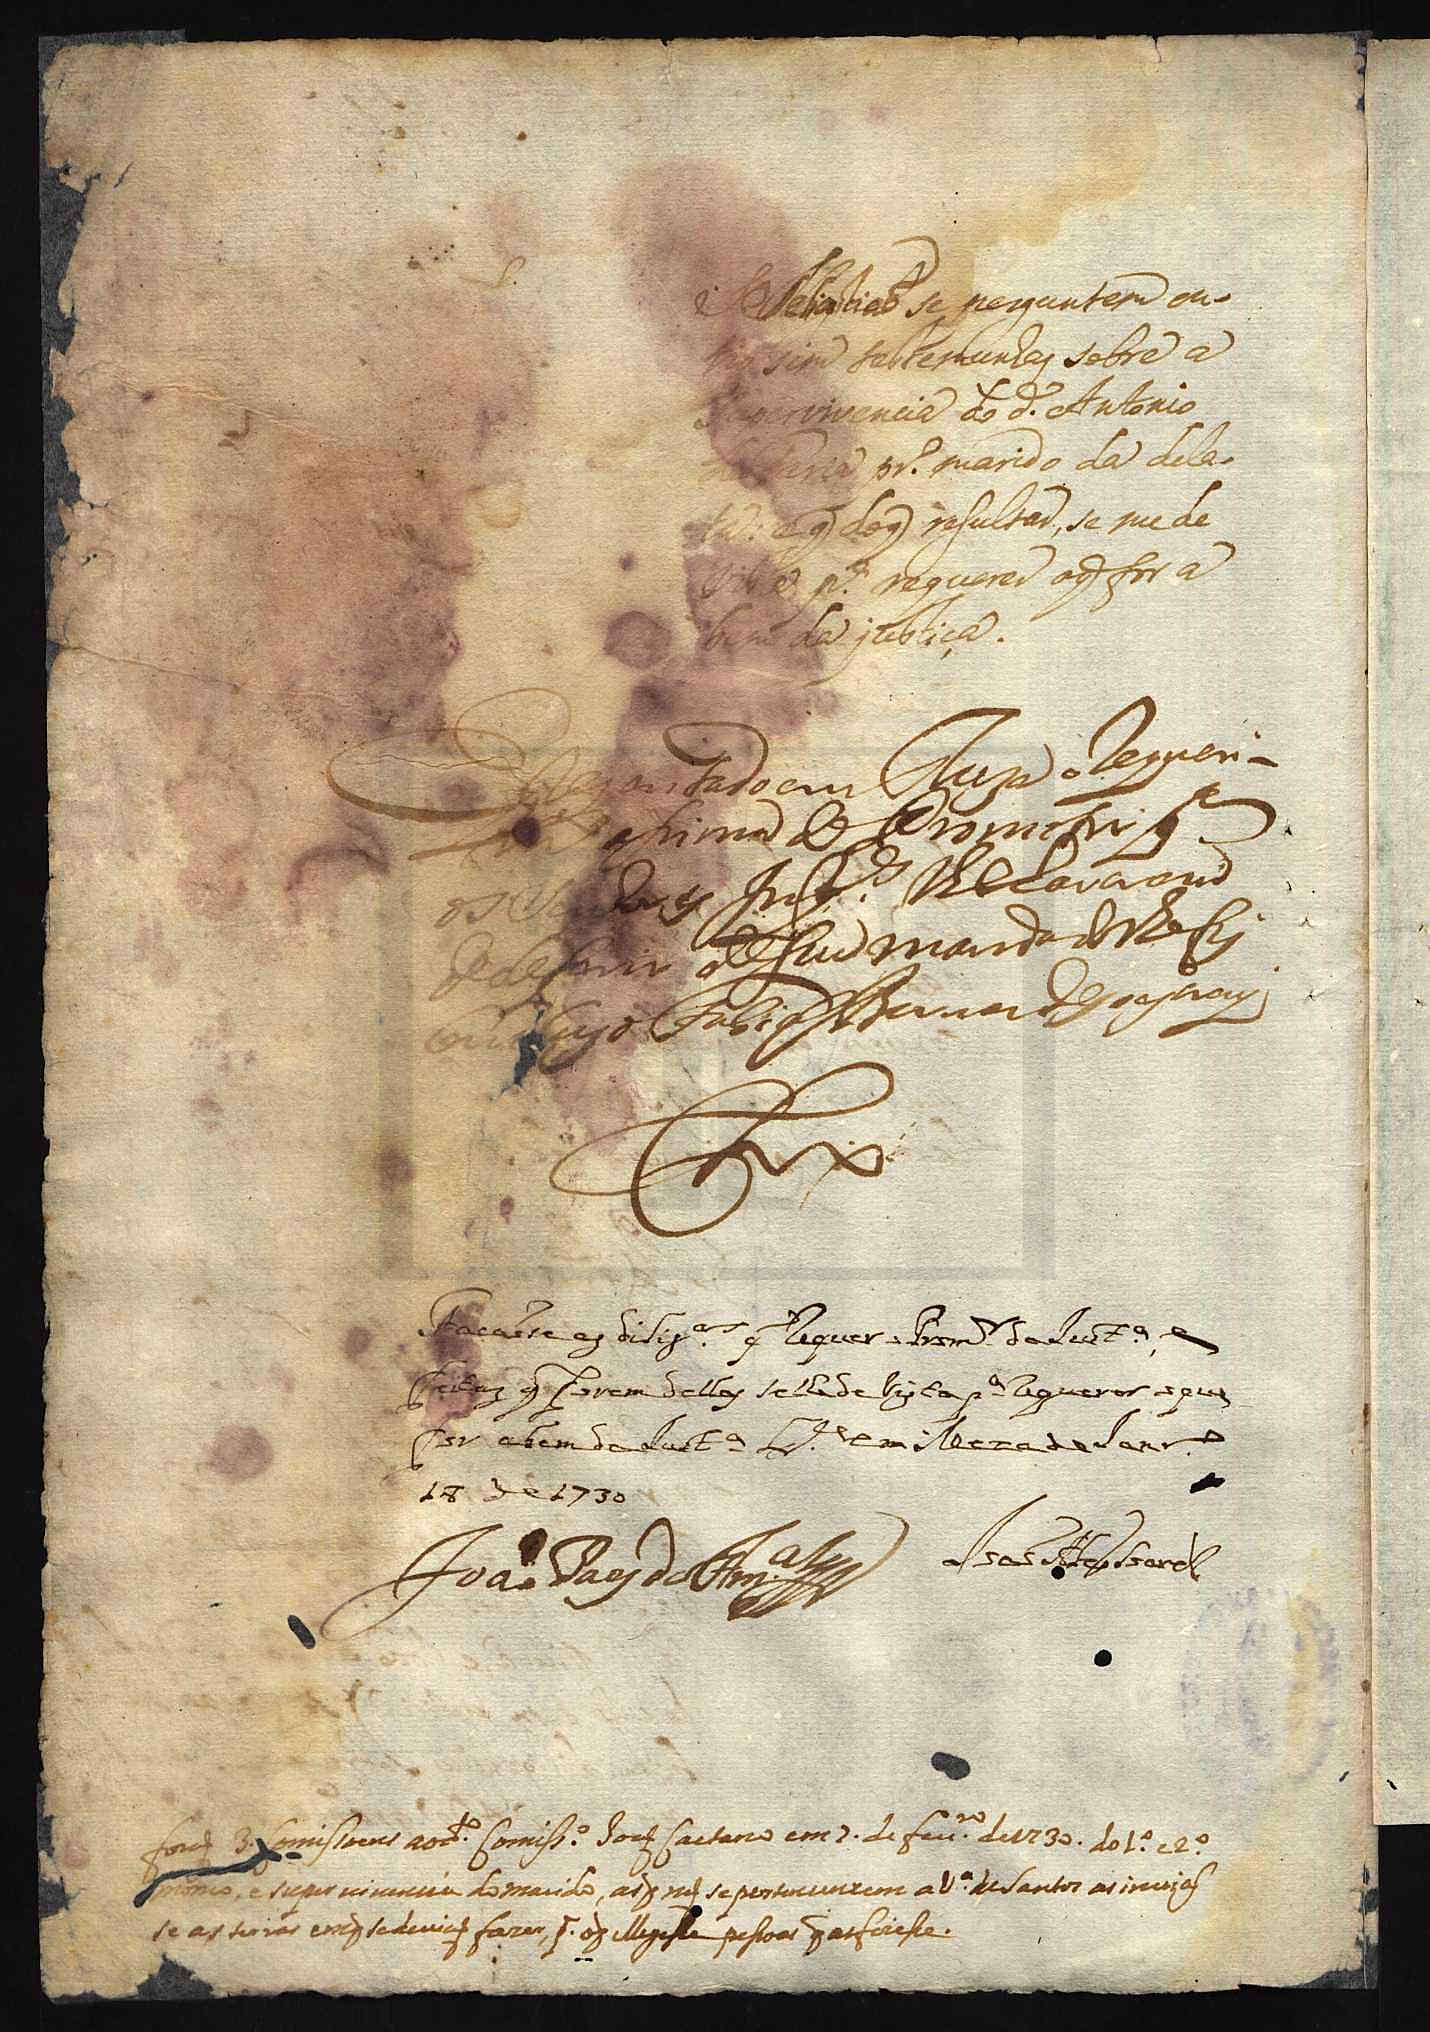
S Sebastiaõ se perguntem ou
trosim testemunhas sobre a
supervivencia do d.o Antonio
de Faria pr.o marido da dela
ta. e q̄ do q̄ resultar, se me de
vista p.a requerer o q̄ for a
bem da justiça.
E prezentado em Meza o Requeri
mto assima do Promotor p.a
os Senhores Jnq.res lhe haverem
de deferir de seu mandado lhe fis
Concluso Fabião Bernardes o escreuj
Clo
Façaõse as dilig.as q̄ Requer o Prom.or de Iust.a, e
feitaz q̄ forem dellas se lhe de Vista p.a Requerer o que
for a bem da Iust.a Lx.a em Meza de Ianr.o
18 de 1730
Joaõ Paes de Am.al
Ioaõ Alrs̄ soares
foraõ 3. Comissoens ao d̄o Comiss.o Ioaõ Caetano em 7. de feu.ro de 1730. do 1.o e 2.o
moneo, e superuiuencia do marido, as q̄ naõ se pertencerem a V.a de Santos as inuia
se as terras em q̄ se deuiaõ fazer, p.a o q̄ ellegesse pessoas q̄ as fizesse.
